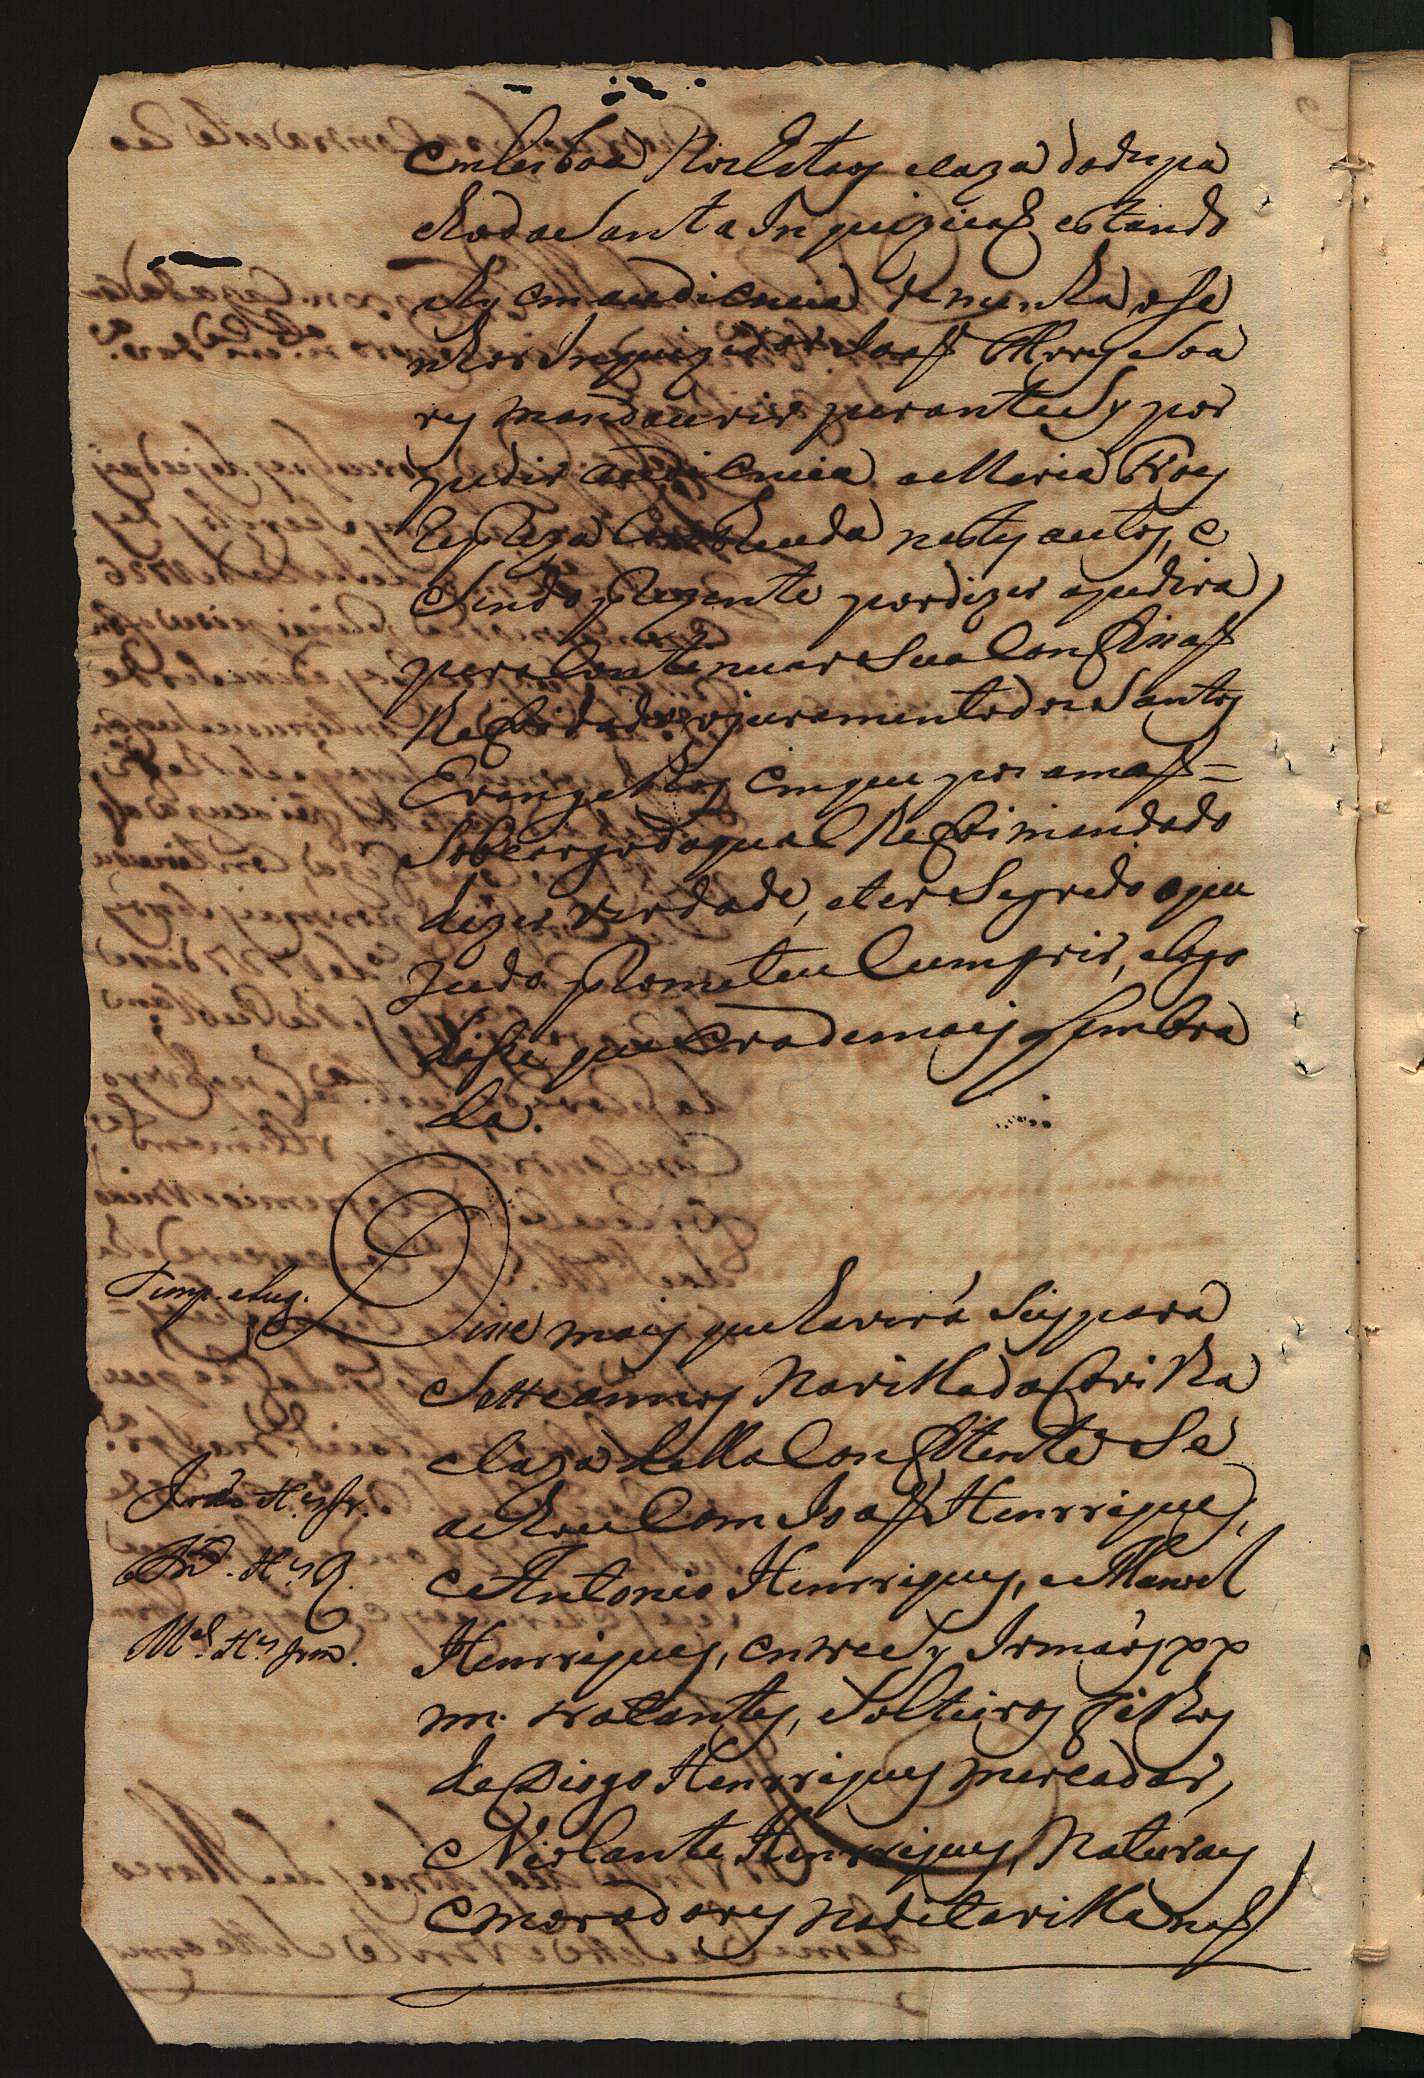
em lisboa Nos Estaos e caza do despa
cho da Santa Inquiziçaõ estando
ahy em audiencia de menhā, o se
nhor Inquizidor Ioaõ Alvres Soa
res mandou vir perante Sy por
pedir audiencia a Maria Froes
Re preza contheuda nestes autos, e
Sendo presente por dizer a pedira
pera continuar sua confissaõ
lhe foi dado o juramento dos Santos
Evangelhos em que pos a maõ
sob cargo do qual lhe foi mandado
dizer verdade, e ter Segredo o que
tudo prometeu cumprir, e logo
disse que era de mais Lembra
da.
Disse mais que haverá seis para
Sette annos na villa da Covilha
e caza della confitente Se
achou com Ioaõ Henrriques,
e Antonio Henrriques, e Manoel
Henrriques, entre Sy Irmaõs xx
nn. tratantes, Solteiros filhos
de Diogo Henrriques mercador,
e Violante Henrriques, Naturaes
e moradores na dita villa naõ
